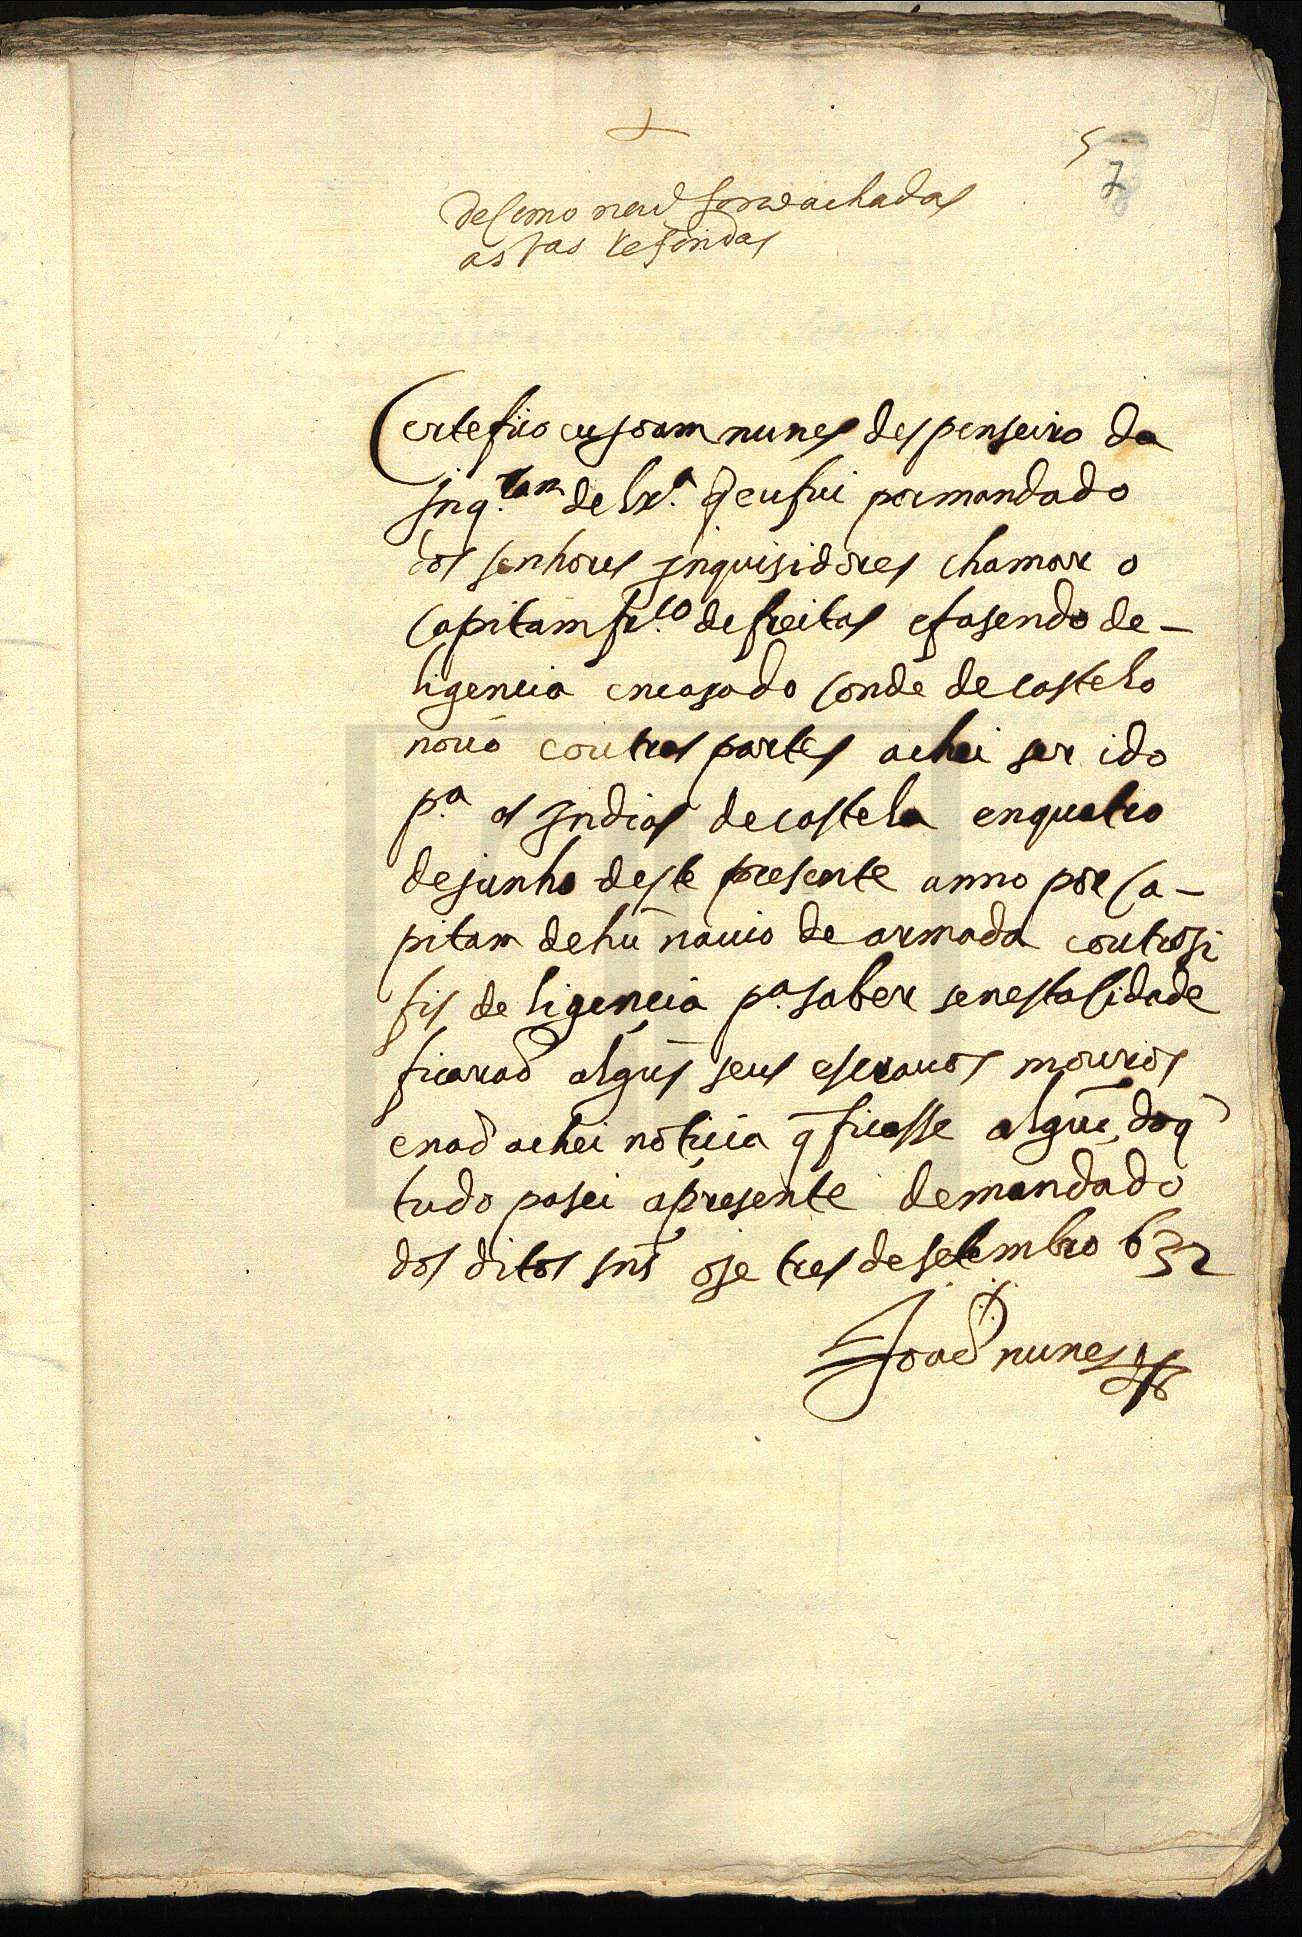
de Como naõ foraõ achadas
as tas referidas
Certefico eu Joam nunes despenseiro da
Jnq.cam de lx.a q̄ eu fui por mandado
dos senhores jnquisidores chamar o
Capitam fr.co de freitas e fasendo de
ligencia en casa do Conde de castelo
nouo e outras partes achei ser ido
p.a os Jndias de castela en quatro
de junho deste presente anno por Ca
pitam de hū nauio de armada e outrosi
fis deligençia p.a saber se nesta Cidade
ficaraõ algūs seus escrauos mouros
e naõ achei noticia q̄ ficasse algūs do q̄
tudo pasei a presente de mandado
dos ditos sns̄ oje tres de setembro 632
